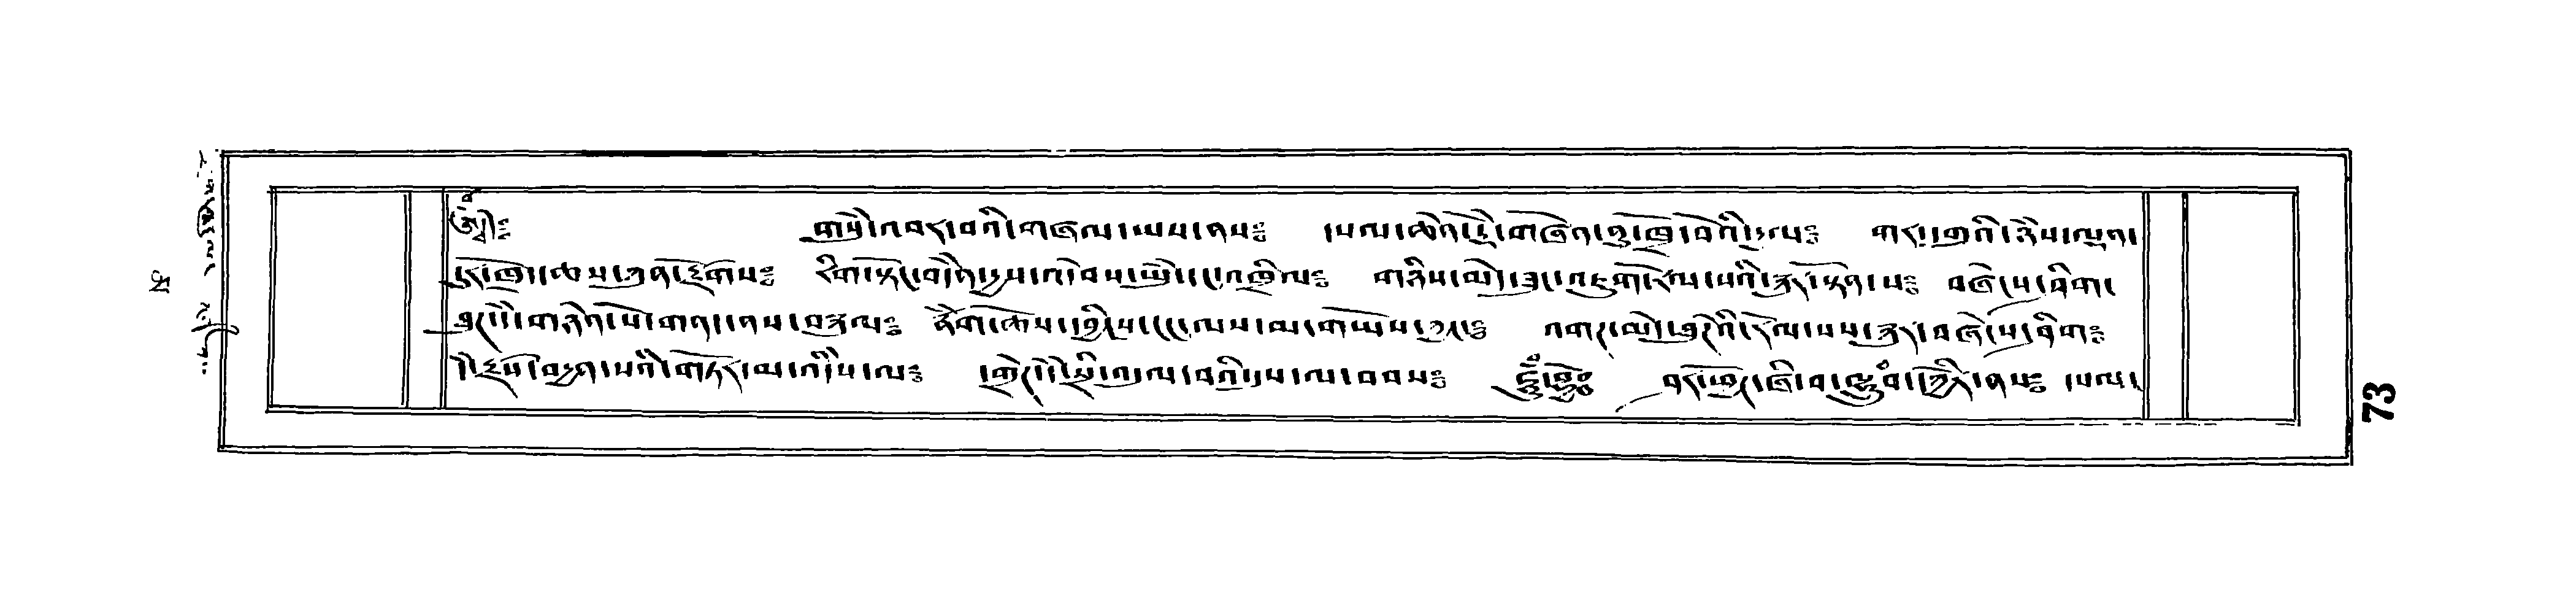གསུམ་འབར་བའི་གཞལ་ཡས་ནས༔ དཔལ་ཆེན་རྡོ་རྗེ་གཞོན་ནུ་ཁྲོ་བོའི་རྒྱལ༔ གར་དགུའི་ཉམས་ལྡན་
དུར་ཁྲོད་ཆས་ཀུན་རྫོགས༔ རིག་སྟོང་བདེ་ཆེན་རྒྱས་འདེབས་ཡུམ་དང་འཁྲིལ༔ གཉིས་མེད་ཟུང་འཇུག་རོལ་པའི་སྐུར་སྟོན་པ༔ བཞེངས་ཤིག་
ཐུགས་དམ་གཉེན་པོ་གནད་ནས་བསྐུལ༔ རྣམ་དག་ཆོས་དབྱིངས་ངང་ལས་མ་གཡོས་ཀྱང༔ འགགས་མེད་ཐུགས་རྗེའི་རོལ་པས་སྐུར་བཞེངས་ཤིག༔ 
དམ་རྫས་བརྒྱན་པའི་གཏོར་མ་འདི་བཞེས་ལ༔ དགྲ་བགེགས་དམ་སྲི་འདུལ་བའི་དུས་ལ་བབ༔ ཧཱུྃ་བྷྱོ༔ ཤར་ཕྱོགས་ཞི་བ་ལྷུན་གྲུབ་དཀྱིལ་འཁོར་ནས༔ དཔལ་